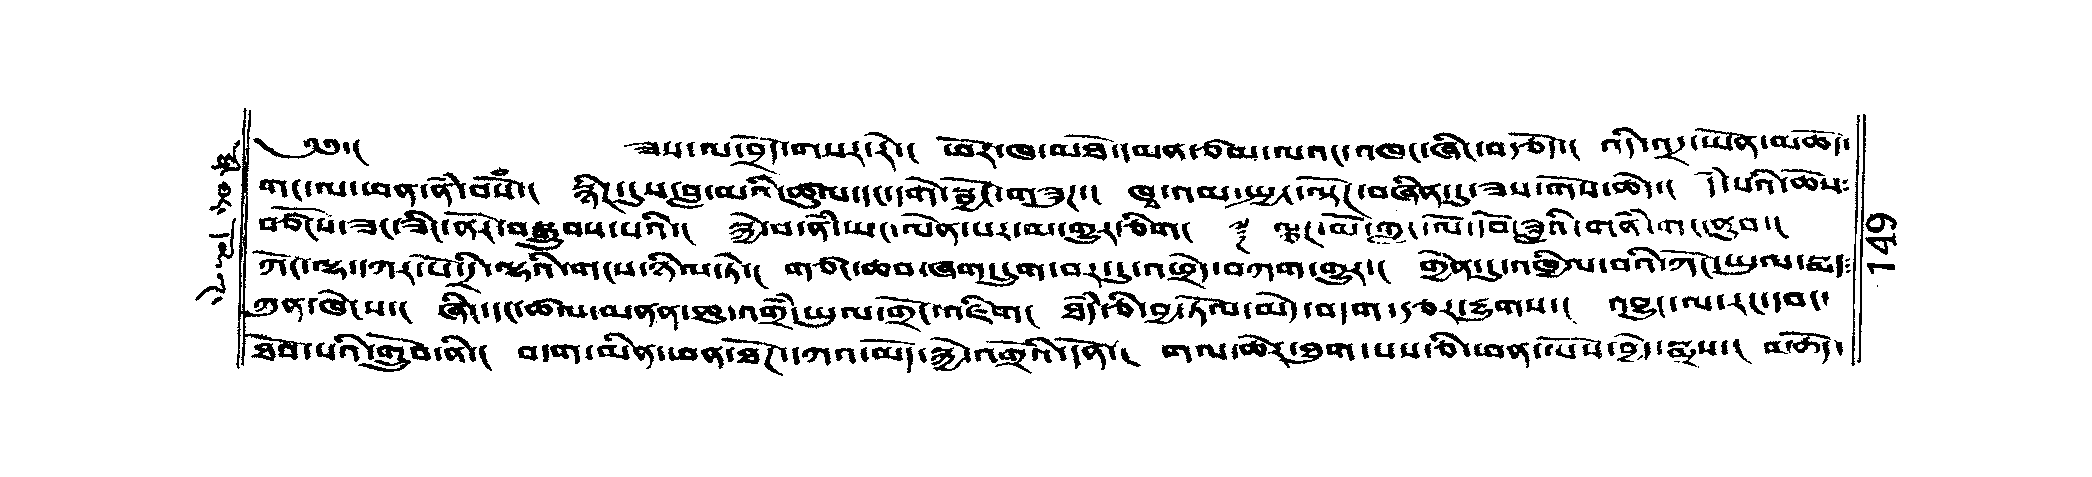ཟས་ལ་བྲོད་གསར་རེ། །ཕོར་ཁ་མཐོ་དམན་ཙམ་ལའང་འཁང་ཞིང་བརྩོད། འདི་འདྲ་ཡོན་མཆོད་
གང་ལ་ཕན་ནམ་བསོམས། །སྙིགས་དུས་བླ་མའི་ཚུལ་དང་དགེ་སྦྱོང་གཟུགས། །ཁྭའམ་སྤྱང་ལྟོགས་བཞིན་དུ་ཟས་གོས་ཆེད། །དམ་པའི་ཆོས་
བཙོངས་ཟང་ཟིང་ནོར་བསྒྲུབ་པའི། སྐྱེ་བ་ནམ་ཡང་ལེན་པར་མ་གྱུར་ཅིག །ལྕགས་མོ་གླང་ལོ་དབོ་ཟླའི་གནམ་གང་ནུབ། །
ཀོང་ལྷ་དཀར་པོ་དྲི་ལྷའི་གངས་ཉིལ་ཏེ། །གཙང་ཆབ་ཞག་དྲུག་བར་དུ་འཕྲེད་བཀག་གྱུར། །གྱེན་དུ་འཁྱིལ་བའི་ཀོང་ཡུལ་སྨད་
ཀུན་ཁེངས། །ཞིང་དང་ཚལ་མནན་ཆུ་འགྲམ་ཡུལ་གྲོང་འཇིག །ཐམས་ཅད་ཅི་བྱ་རྟོལ་མེད་བདག་རྩར་རྒྱུགས། །འབྱུང་བར་རང་དབང་
ཐོབ་པའི་གྲུབ་ཐོབ་ནི། །བདག་མིན་ཕན་ཐོགས་དཀའ་མོད་སྐྱེ་འགྲོའི་དོན། །གལ་ཆེར་ཐུག་པས་ཅི་ཕན་ལོས་བྱེད་སྨྲས། མཆོད་